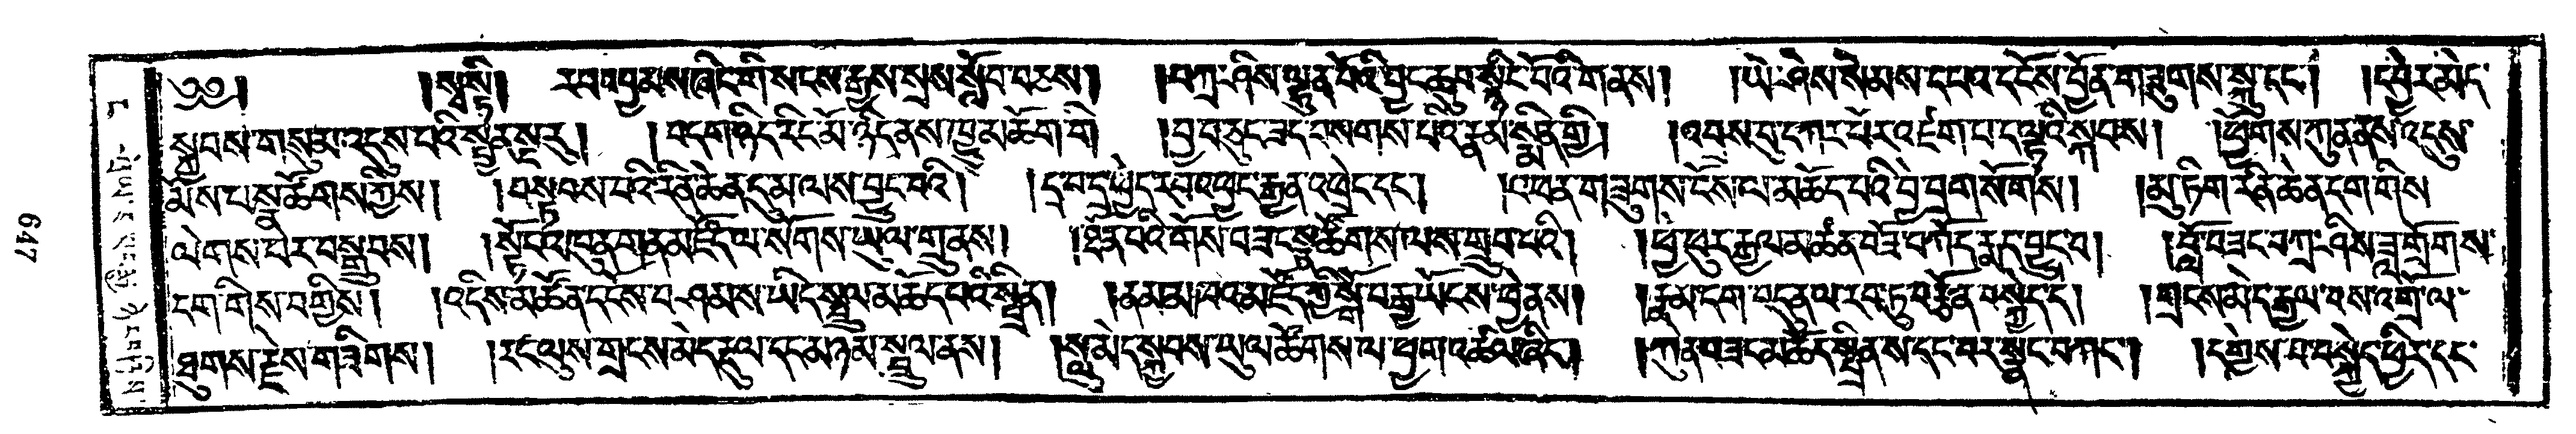༄༅། །སྭསྟི། རབ་འབྱམས་ཞིང་གི་སངས་རྒྱས་སྲས་སློབ་བཅས། །བཀྲ་ཤིས་ལྷུན་པོའི་བྱང་ཆུབ་སྙིང་པོའི་གནས། །ཡེ་ཤེས་སེམས་དཔའ་དངོས་བྱོན་གཟུགས་སྐུ་དང་། །དབྱེར་མེད་
སྐྱབས་གསུམ་འདུས་པའི་སྤྱན་སྔ་རུ། །བདག་ཉིད་རིང་མོ་ཉིད་ནས་ཁྱུ་མཆོག་གི །བྱ་བ་ཅུང་ཟད་བསགས་པའི་རྣམ་སྨིན་གྱི། །འབྲས་བུ་དཀར་པོར་འཛག་པ་ད་ལྟའི་སྐབས། །ཕྱོགས་ཀུན་ནས་འདུས་
མོས་པ་སྣ་ཚོགས་ཀྱིས། །བསྟབས་པའི་རིན་ཆེན་དུ་མ་ལས་བྱུང་བའི། །དྲ་པ་དྲ་ཕྱེད་རབ་འཕྱང་རྒྱན་འཕྲེང་དང་། །འཕན་གཟུགས་ངོས་ལ་མཆོད་པའི་བྱེ་བྲག་སོགས། །མུ་ཏིག་རིན་ཆེན་དག་གིས་
ལེགས་པར་བསྒྲུབས། །སྟོང་འཁུན་གན་མཛོད་ལ་སོགས་ཡུལ་གྲུ་ནས། །ཐོན་པའི་གོས་བཟང་སྣ་ཚོགས་ལས་གྲུབ་པའི། །ཕྱེ་ཕུར་རྒྱལ་མཚན་བཟོ་བཀོད་རྨད་བྱུང་བ། །བློ་བཟང་བཀྲ་ཤིས་ཟླ་གྲོགས་
དག་གིས་བགྱིས། །འདིས་མཚོན་དངོས་བཤམས་ཡིད་སྤྲུལ་མཆོད་པའི་སྤྲིན། །ནམ་མཁའ་མཛོད་ཀྱི་སྒོ་བརྒྱ་ཡོངས་ཕྱེ་ནས། །རྣམ་དག་བདུན་ལ་རབ་ཏུ་བརྩོན་བསྐྱེད་དེ། །གྲངས་མེད་རྒྱལ་བས་འགྲོ་ལ་
ཐུགས་རྗེས་གཟིགས། །རང་ལུས་གྲངས་མེད་རྡུལ་དང་མཉམ་སྦྲུལ་ནས། །སླུ་མེད་སྐྱབས་ཡུལ་ཚོགས་ལ་ཕྱག་འཚལ་ཞིང་། །ཀུན་བཟང་མཆོད་སྤྲིན་ས་དང་བར་སྣང་བཀང་། །དགྱེས་བ་བསྐྱེད་ཕྱིར་དང་